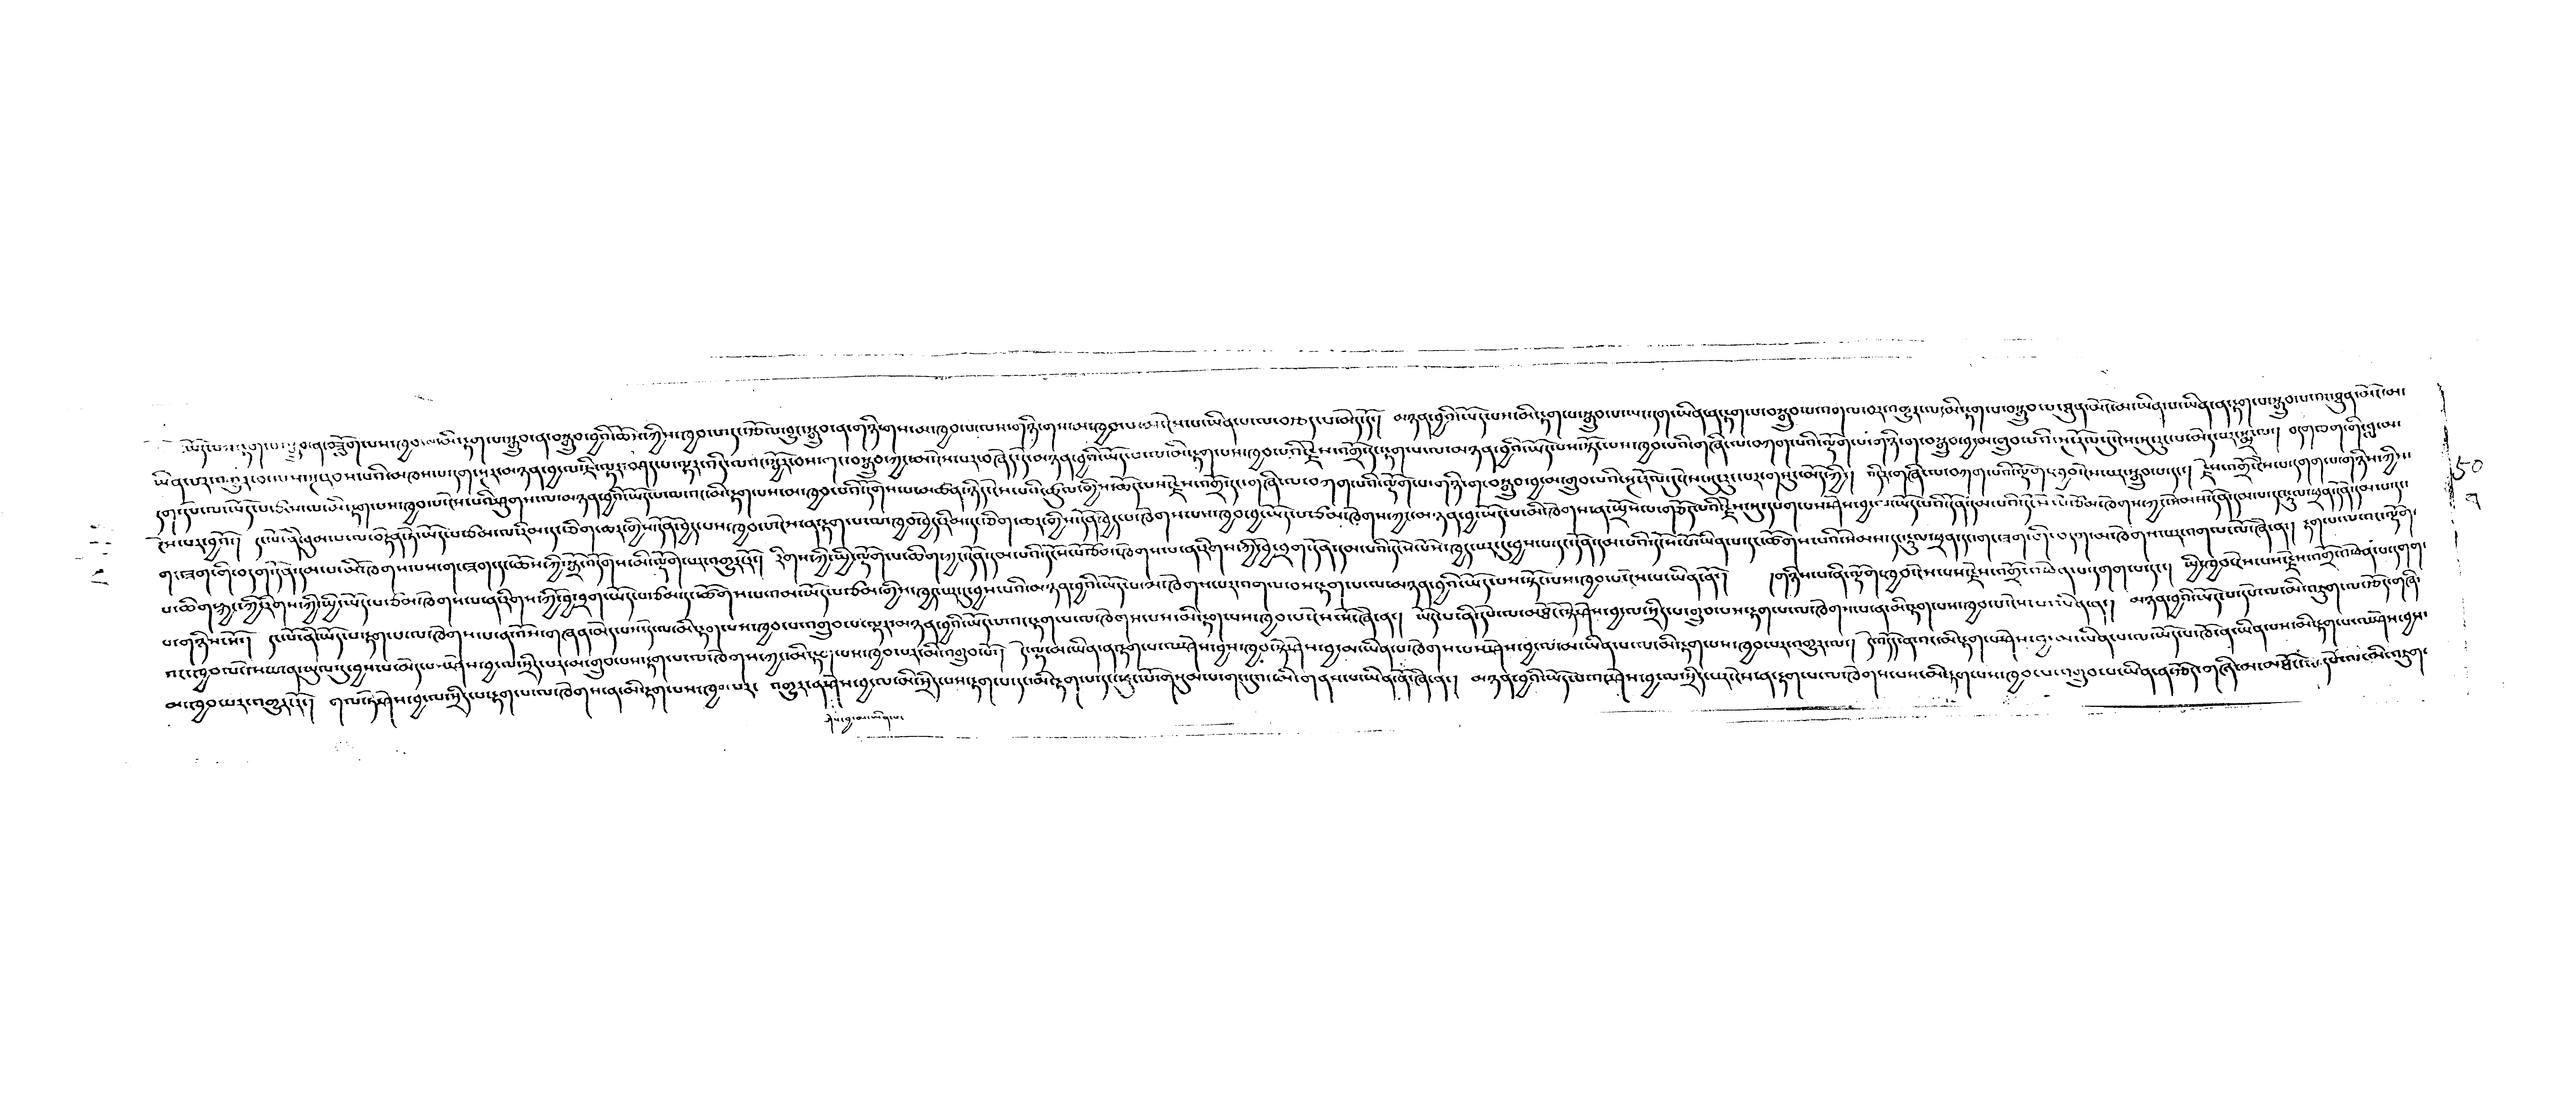?་ཡོད་པས་རྟག་པ་སྒྲུབ་ན་བཟློག་པས་ཁྱབ་ལ་མི་རྟག་པ་སྒྲུབ་ན་བསྒྲུབ་བྱའི་ཆོས་ཀྱིས་ཁྱབ་པ་དང་རྩོལ་བྱུང་སྒྲུབ་ན་གཉི་གས་མ་ཁྱབ་པ་ལས་གཉི་གས་མ་ཁྱབ་པ་མ་ངེས་པ་ཡིན་པ་ལ་བརྩད་པ་མེད་དོ། མཉན་བྱའི་ཡོད་པས་མི་རྟག་པ་སྒྲུབ་པ་ཡང་དག་ཡིན་ན་རྟག་པ་བསྒྲུབ་པ་འགལ་བར་འགྱུར་ལ་མི་རྟག་པ་བསྒྲུབ་པ་ཐུན་མོང་མ་ཡིན་པ་ཡིན་ན་རྟག་པ་སྒྲུབ་པ་འང་ཐུན་མོང་མ་
ཡིན་པར་འགྱུར་བ་ལས་སྔ་རབས་པའི་མཁས་པ་དག་སྔར་མཉན་བྱ་ལ་ཇི་ལྟར་བཤད་པ་ལྟར་འདི་ལའང་སྦྱོར་བས་གང་བསྒྲུབ་ཀྱང་མ་ངེས་པར་བཞེད་དེ་མཉན་བྱའི་ཡོད་པ་ལ་མི་རྟག་པས་ཁྱབ་པའི་རྗེས་འགྲོ་དང་རྟག་པ་ལ་མཉན་བྱའི་ཡོད་པས་སྟོང་པས་ཁྱབ་པའི་གཞི་ལ་བཀག་པའི་ལྡོག་པ་གཉི་ག་བསྒྲུབ་བྱ་མ་གྲུབ་པའི་སྔ་རོལ་དུ་ངེས་སུ་རུང་པ་མེད་པར་སྨྲ་ལ། བདག་ཅག་གི་བླ་མ་
དག་དཔེ་ལ་ཡོད་པ་ཙམ་ལ་མི་རྟག་པས་ཁྱབ་པ་ངེས་པའི་ཤུགས་ལ་མཉན་བྱའི་ཡོད་པ་ལ་འང་མི་རྟག་པས་མ་ཁྱབ་པའི་དོགས་པ་མཚན་ཉིད་ངེས་པའི་ཚུལ་གྱིས་ཆོད་པས་རྗེས་འགྲོ་དང་གཞི་ལ་བཀག་པའི་ལྡོག་པ་གཉི་ག་བསྒྲུབ་བྱ་མ་གྲུབ་པའི་སྔ་རོལ་དུ་ངེས་སུ་རུང་པར་གསུང་མོད་ཀྱི། འདིར་གཞི་ལ་བཀག་པའི་ལྡོག་ཁྱབ་ངེས་པར་སྒྲུབ་པ་དང་། རྗེས་འགྲོ་ངེས་པ་དགག་པ་གཉིས་ཀྱིས་
ངེས་པར་བྱའོ། དང་པོ་ནི་བུམ་པ་ལ་བརྟེན་ཏེ་ཡོད་པ་ཙམ་ལ་རིམ་དང་ཅིག་ཆར་གྱིས་དོན་བྱེད་པས་ཁྱབ་པ་ངེས་ན་རྟག་པ་མ་ཁྱབ་བྱེད་རིམ་དང་ཅིག་ཆར་གྱིས་དོན་བྱེད་པ་ཁེགས་པས་ཁྱབ་བྱ་ཡོད་པ་ཙམ་ཁེགས་ཀྱང་མཉན་བྱ་ཡོད་པ་མི་ཁེགས་ན་སྤྲོས་པ་གཅོད་པའི་རྗེས་སུ་དཔག་པས་ཤེས་བྱ་ལ་ཡོད་པའི་དོན་དམ་པའི་དངོས་པོ་ཙམ་ཁེགས་ཀྱང་སེམས་དོན་དམ་པ་དང་རྡུལ་ཕྲན་དོན་དམ་པ་དང་
གང་ཟག་གི་བདག་དོན་དམ་པ་མི་ཁེགས་པས་གང་ཟག་དང་ཆོས་ཀྱི་སྒྲོ་འདོགས་མི་ལྡོག་པར་འགྱུར་རོ། རིགས་ཀྱི་སྤྱི་ལྡོག་པ་ཆིག་ཀྱང་དོན་དམ་པའི་དངོས་པོ་ཙམ་ཁེགས་པ་ན་རིགས་ཀྱི་བྱེ་བྲག་དོན་དམ་པའི་དངོས་པོས་ཁྱད་པར་དུ་བྱས་པ་དང་དོན་དམ་པའི་དངོས་པོ་ཡིན་པ་དང་ཚོགས་པའི་སེམས་དང་རྡུལ་ཕྲན་དང་གང་ཟག་གི་བདག་མ་ཁེགས་པར་འགལ་ལོ་ཞེ་ན། རྟག་པ་ལའང་ལྡོག་
པ་ཆིག་རྐྱང་ཀྱི་རིགས་ཀྱི་སྤྱི་ཡོད་པ་ཙམ་ཁེགས་པ་ན་རིགས་ཀྱི་བྱེ་བྲག་ཡོད་པ་ཙམ་དང་ཚོགས་པ་འམ་ཡོད་པ་ཙམ་གྱིས་ཁྱད་པར་དུ་བྱས་པའི་མཉན་བྱའི་ཡོད་པ་མ་ཁེགས་པར་འགལ་བས་རྟག་པ་ལ་མཉན་བྱའི་ཡོད་པས་སྟོང་པས་ཁྱབ་པ་ངེས་པ་ཡིན་ནོ། །གཉིས་པ་ནི་ལྡོག་ཁྱབ་ངེས་པས་རྗེས་འགྲོ་འཕེན་པ་དགག་པ་དང་། སྤྱི་ཁྱབ་ངེས་པས་རྗེས་འགྲོ་འཕེན་པ་དགག་
པ་གཉིས་སོ། དང་པོ་ནི་ཡོད་པ་རྟག་པ་ལ་ཁེགས་པ་ན་འོས་གཞན་མེད་པས་དེ་ལ་མི་རྟག་པས་ཁྱབ་པ་འགྲུབ་པ་ལྟར་མཉན་བྱའི་ཡོད་པ་འང་རྟག་པ་ལ་ཁེགས་པས་མི་རྟག་པས་ཁྱབ་པ་ངེས་སོ་ཞེ་ན། ཡོད་པ་ནི་དཔེ་ལ་མཐོང་སྟེ་ཤེས་བྱ་ལ་སྲིད་པ་གྲུབ་པས་རྟག་པ་ལ་ཁེགས་པ་ན་མི་རྟག་པས་ཁྱབ་པ་ངེས་པ་ཡིན་ན། མཉན་བྱའི་ཡོད་པ་དཔེ་ལ་མི་འཇུག་ལ་རྩོད་གཞི་
འང་ཁྱབ་པ་ངེས་པ?་ན་ཡུལ་དུ་བྱས་པ་མེད་པས་ཤེས་བྱ་ལ་སྲིད་པར་མ་གྲུབ་པས་རྟག་པ་ལ་ཁེགས་ཀྱང་མི་རྟག་པས་ཁྱབ་པར་མི་འགྲུབ་པོ། དེ་ལྟ་མ་ཡིན་ན་རྟག་པ་ལ་ཤེས་བྱས་ཁྱབ་སྟེ་ཤེས་བྱ་མ་ཡིན་པ་ཁེགས་པས་ཤེས་བྱ་ལ་མ་ཡིན་པ་ལ་མི་རྟག་པས་ཁྱབ་པར་འགྱུར་ལ། དེ་འདོད་ནའང་མི་རྟག་པ་ཤེས་བྱ་མ་ཡིན་པ་ལ་ཡོད་པ་ཁོ་ན་ཡིན་པས་མི་རྟག་པ་ལ་ཤེས་བྱས་
མ་ཁྱབ་པར་འགྱུར་རོ། གལ་ཏེ་ཤེས་བྱ་ལ་སྲིད་པ་རྟག་པ་ལ་ཁེགས་ན་མི་རྟག་པས་ཁྱབ་པར་འགྱུར་ན་ཤེས་བྱ་མ་ཡིན་པ་ཤེས་བྱ་ལ་མི་སྲིད་པས་རྟག་པ་དང་མི་རྟག་པ་དང་ཕུང་པོ་གསུམ་པ་གང་དུའང་མི་གནས་པ་ཡིན་ནོ་ཞེ་ན། མཉན་བྱའི་ཡོད་པའང་ཤེས་བྱ་མ་སྲིད་པར་ངེས་ན་རྟག་པ་ལ་ཁེགས་པས་མི་རྟག་པས་ཁྱབ་པ་འགྲུབ་པ་ཡིན་ན་རྩོད་གཞི་མ་མཐོང་པ་དཔེ་ལ་མི་འཇུག་